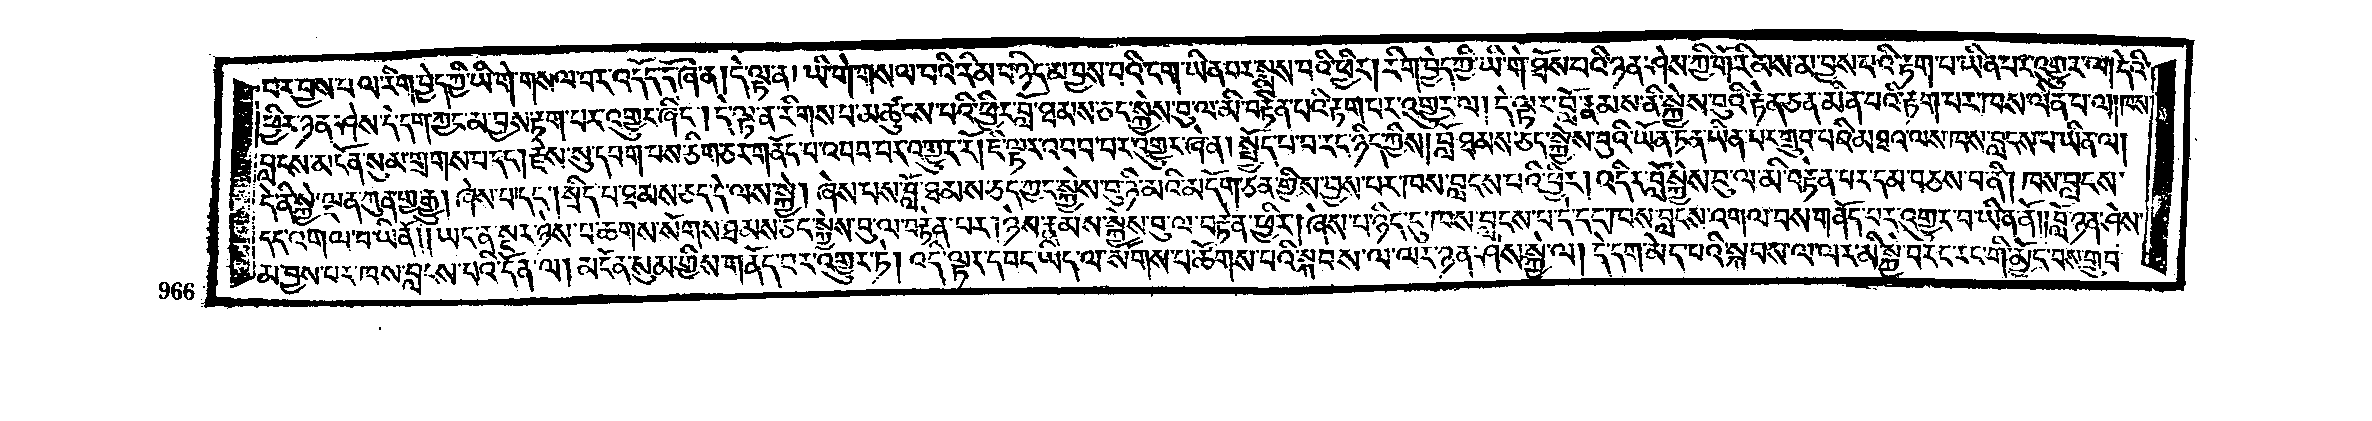བར་བྱས་པ་ལ་རིག་བྱེད་ཀྱི་ཡི་གེ་གསལ་བར་འདོད་དོ་ཞེ་ན། དེ་ལྟ་ན། ཡི་གེ་གསལ་བའི་རིམ་པ་ཉིད་མ་བྱས་པའི་ངག་ཡིན་པར་སྨྲས་པའི་ཕྱིར། རིག་བྱེད་ཀྱི་ཡི་གེ་ཐོས་པའི་ཉན་ཤེས་ཀྱི་གོ་རིམས་མ་བྱས་པའི་རྟག་པ་ཡིན་པར་འགྱུར་ལ། དེའི་
ཕྱིར་ཉན་ཤེས་དེ་དག་ཀྱང་མ་བྱས་རྟག་པར་འགྱུར་ཞིང་། དེ་ལྟ་ན་རིགས་པ་མཚུངས་པའི་ཕྱིར་བློ་ཐམས་ཅད་སྐྱེས་བུ་ལ་མི་བརྟེན་པའི་རྟག་པར་འགྱུར་ལ། དེ་ལྟར་བློ་རྣམས་ནི་སྐྱེས་བུའི་རྟེན་ཅན་མིན་པའི་རྟག་པར་ཁས་ལེན་པ་ལ། ཁས་
བླངས་མངོན་སུམ་གྲགས་པ་དང་། རྗེས་སུ་དཔག་པས་ཅིག་ཅར་གནོད་པ་འབབ་པར་འགྱུར་རོ། །ཇི་ལྟར་འབབ་པར་འགྱུར་ཞེ་ན། སྤྱོད་པ་བ་རང་ཉིད་ཀྱིས། བློ་ཐམས་ཅད་སྐྱེས་བུའི་ཡོན་ཏན་ཡིན་པར་གྲུབ་པའི་མཐའ་ལས་ཁས་བླངས་པ་ཡིན་ལ།
དེ་ནི་སྐྱེ་ལྡན་ཀུན་གྱི་རྒྱུ། ཞེས་པ་དང་། སྲིད་པ་ཐམས་ཅད་དེ་ལས་སྐྱེ། ཞེས་པས་བློ་ཐམས་ཅད་ཀྱང་སྐྱེས་བུ་ཉི་མའི་མདོག་ཅན་གྱིས་བྱས་པར་ཁས་བླངས་པའི་ཕྱིར། འདིར་བློ་སྐྱེས་བུ་ལ་མི་བརྟེན་པར་དམ་བཅས་པ་ནི། ཁས་བླངས་
དང་འགལ་བ་ཡིན་ནོ། །ཡང་ན་སྔར་ཉེས་པ་ཆགས་སོགས་ཐམས་ཅད་སྐྱེས་བུ་ལ་བརྟེན་པར། ཉེས་རྣམས་སྐྱེས་བུ་ལ་བརྟེན་ཕྱིར། ཞེས་པ་ཉིད་དུ་ཁས་བླངས་པ་དེ་དང་ཁས་བླངས་འགལ་བས་གནོད་པར་འགྱུར་བ་ཡིན་ནོ། །བློ་ཉན་ཤེས་
མ་བྱས་པར་ཁས་བླངས་པའི་དོན་ལ། མངོན་སུམ་གྱིས་གནོད་པར་འགྱུར་ཏེ། འདི་ལྟར་དབང་ཡིད་ལ་སོགས་པ་ཚོགས་པའི་སྐབས་ལ་ལར་ཉན་ཤེས་སྐྱེ་ལ། དེ་དག་མེད་པའི་སྐབས་ལ་ལར་མི་སྐྱེ་བར་རང་རང་གི་མྱོང་བས་གྲུབ་